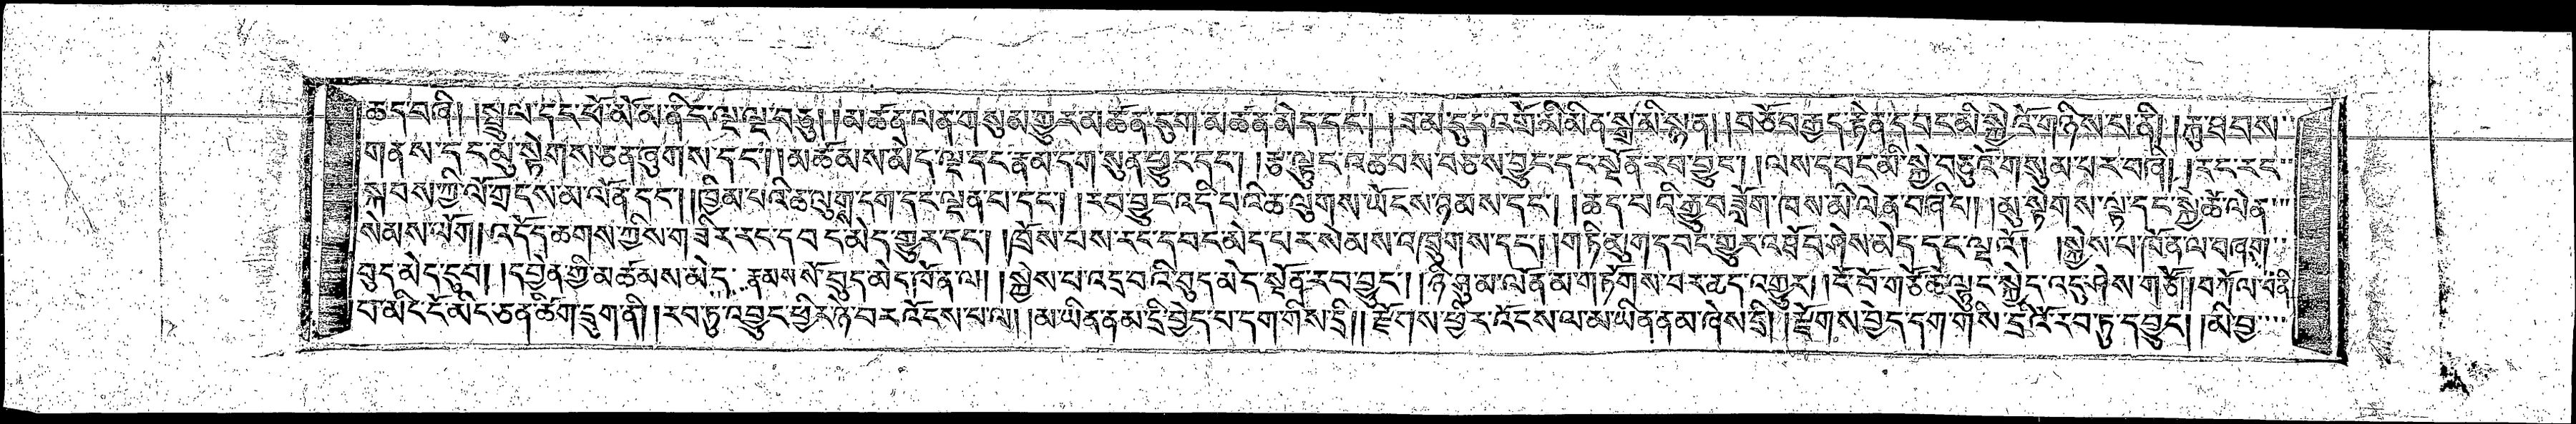ཆད་བཞི། །སྤྲུལ་དང་ཕོ་མོ་མ་ནིང་ལྔ་ལྔ་བཅུ། །མཚན་ལན་གསུམ་གྱུར་མཚན་དུག་མཚན་མེད་དང་། །ཟ་མ་དུད་འགྲོ་མི་མིན་སྒྲ་མི་སྙན། །བཅོ་བརྒྱད་རྟེན་དབང་མི་སྐྱེའོ་གཉིས་པ་ནི། །རྐུ་ཐབས་
གནས་དང་མུ་སྟེགས་ཅན་ཞུགས་དང་། །མཚམས་མེད་ལྔ་དང་རྣམ་དག་སུན་ཕྱུང་དང་། །རྩ་ལྟུང་འཆབས་བཅས་བྱུང་དང་སྔོན་རབ་བྱུང་། །ལས་དབང་མི་སྐྱེ་བཅུའོ་གསུམ་པར་བཞི། །རང་རང་
སྐབས་ཀྱི་ལོ་གྲངས་མ་ལོན་དང་། །ཁྱིམ་པའི་ཆ་ལུགས་དག་དང་ལྡན་པ་དང་། །རབ་བྱུང་འདི་པའི་ཆ་ལུགས་ཡོངས་ཉམས་དང་། །ཆད་པའི་རྒྱུ་བཟློག་ཁས་མི་ལེན་བཞི་པ། །མུ་སྟེགས་ལྟ་དང་སྐྱེ་ཚེ་ལེན་
སེམས་ལོག །འདོད་ཆགས་ཀྱིས་གཟིར་རང་དབང་མེད་གྱུར་དང་། །ཁྲོས་པས་རང་དབང་མེད་པར་སེམས་འཁྲུགས་དང་། །གཏི་མུག་དབང་གྱུར་འཐོབ་ཤེས་མེད་དང་ལྔའོ། །སྐྱེས་པ་ཁོ་ན་ལ་བཞག་
བུད་མེད་དུབ། །དབྱེན་གྱི་མཚམས་མེད་རྣམས་སོ་བུད་མེད་ཁོ་ན་ལ། །སྐྱེས་པ་འདྲ་བའི་བུད་མེད་སྔོན་རབ་བྱུང་། །ཉི་ཤུ་མ་ལོན་མ་གཏོགས་བར་ཆད་འགྱུར། །ངོ་བོ་གཙོ་ཆེ་ལྟུང་སྐྱེད་འདུ་ཤེས་གཙོ། །བཀོལ་བ་ནི་
བ་མིང་ངོ་མིང་ཅན་ཚིག་དྲུག་ནི། །རབ་ཏུ་འབྱུང་ཕྱིར་ཉེ་བར་འོངས་པ་ལ། །མ་ཡིན་ནམ་དྲི་བྱེད་པ་དག་གིས་དྲི། །རྫོགས་ཕྱིར་འོངས་ལ་མ་ཡིན་ནམ་ཞེས་དྲི། །རྫོགས་བྱེད་དག་གིས་དྲིའོ་རབ་ཏུ་དབྱུང་། །མི་བྱ་